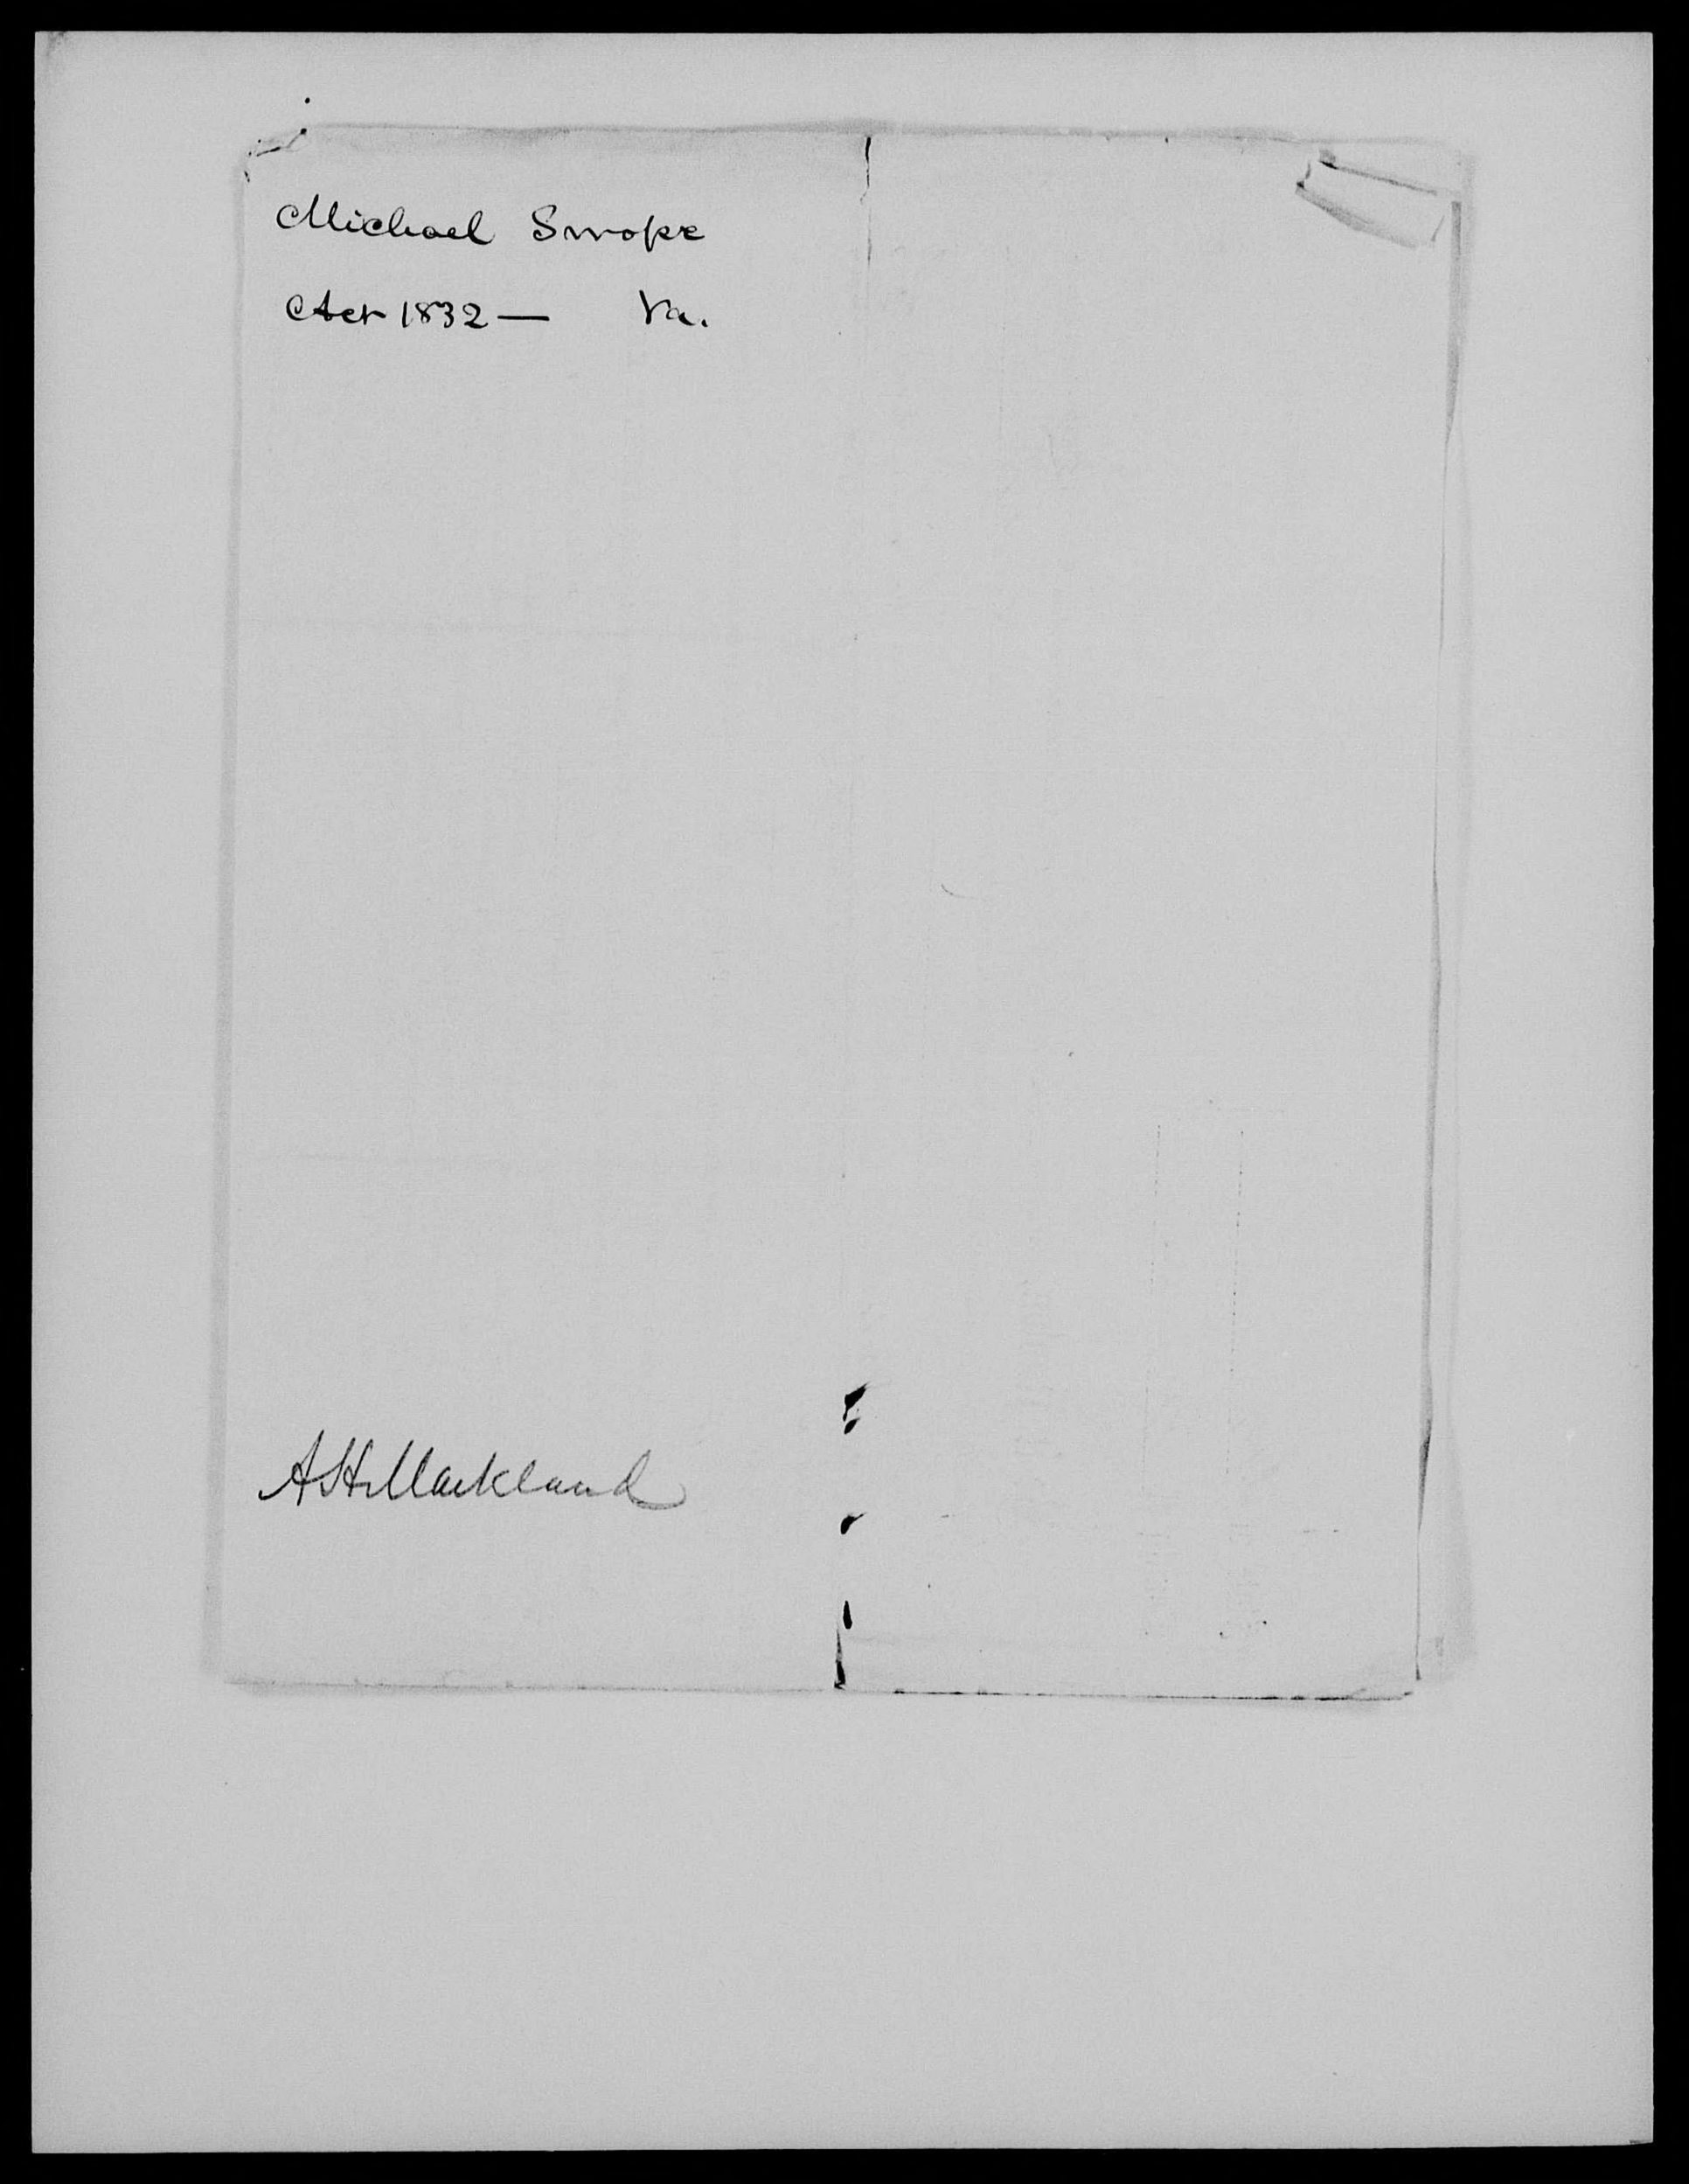Michael Swope
Act 1832 - VA.


A Hillackland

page: 11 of 16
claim: rejected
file: R 10366, for Michael Swope, Virginia